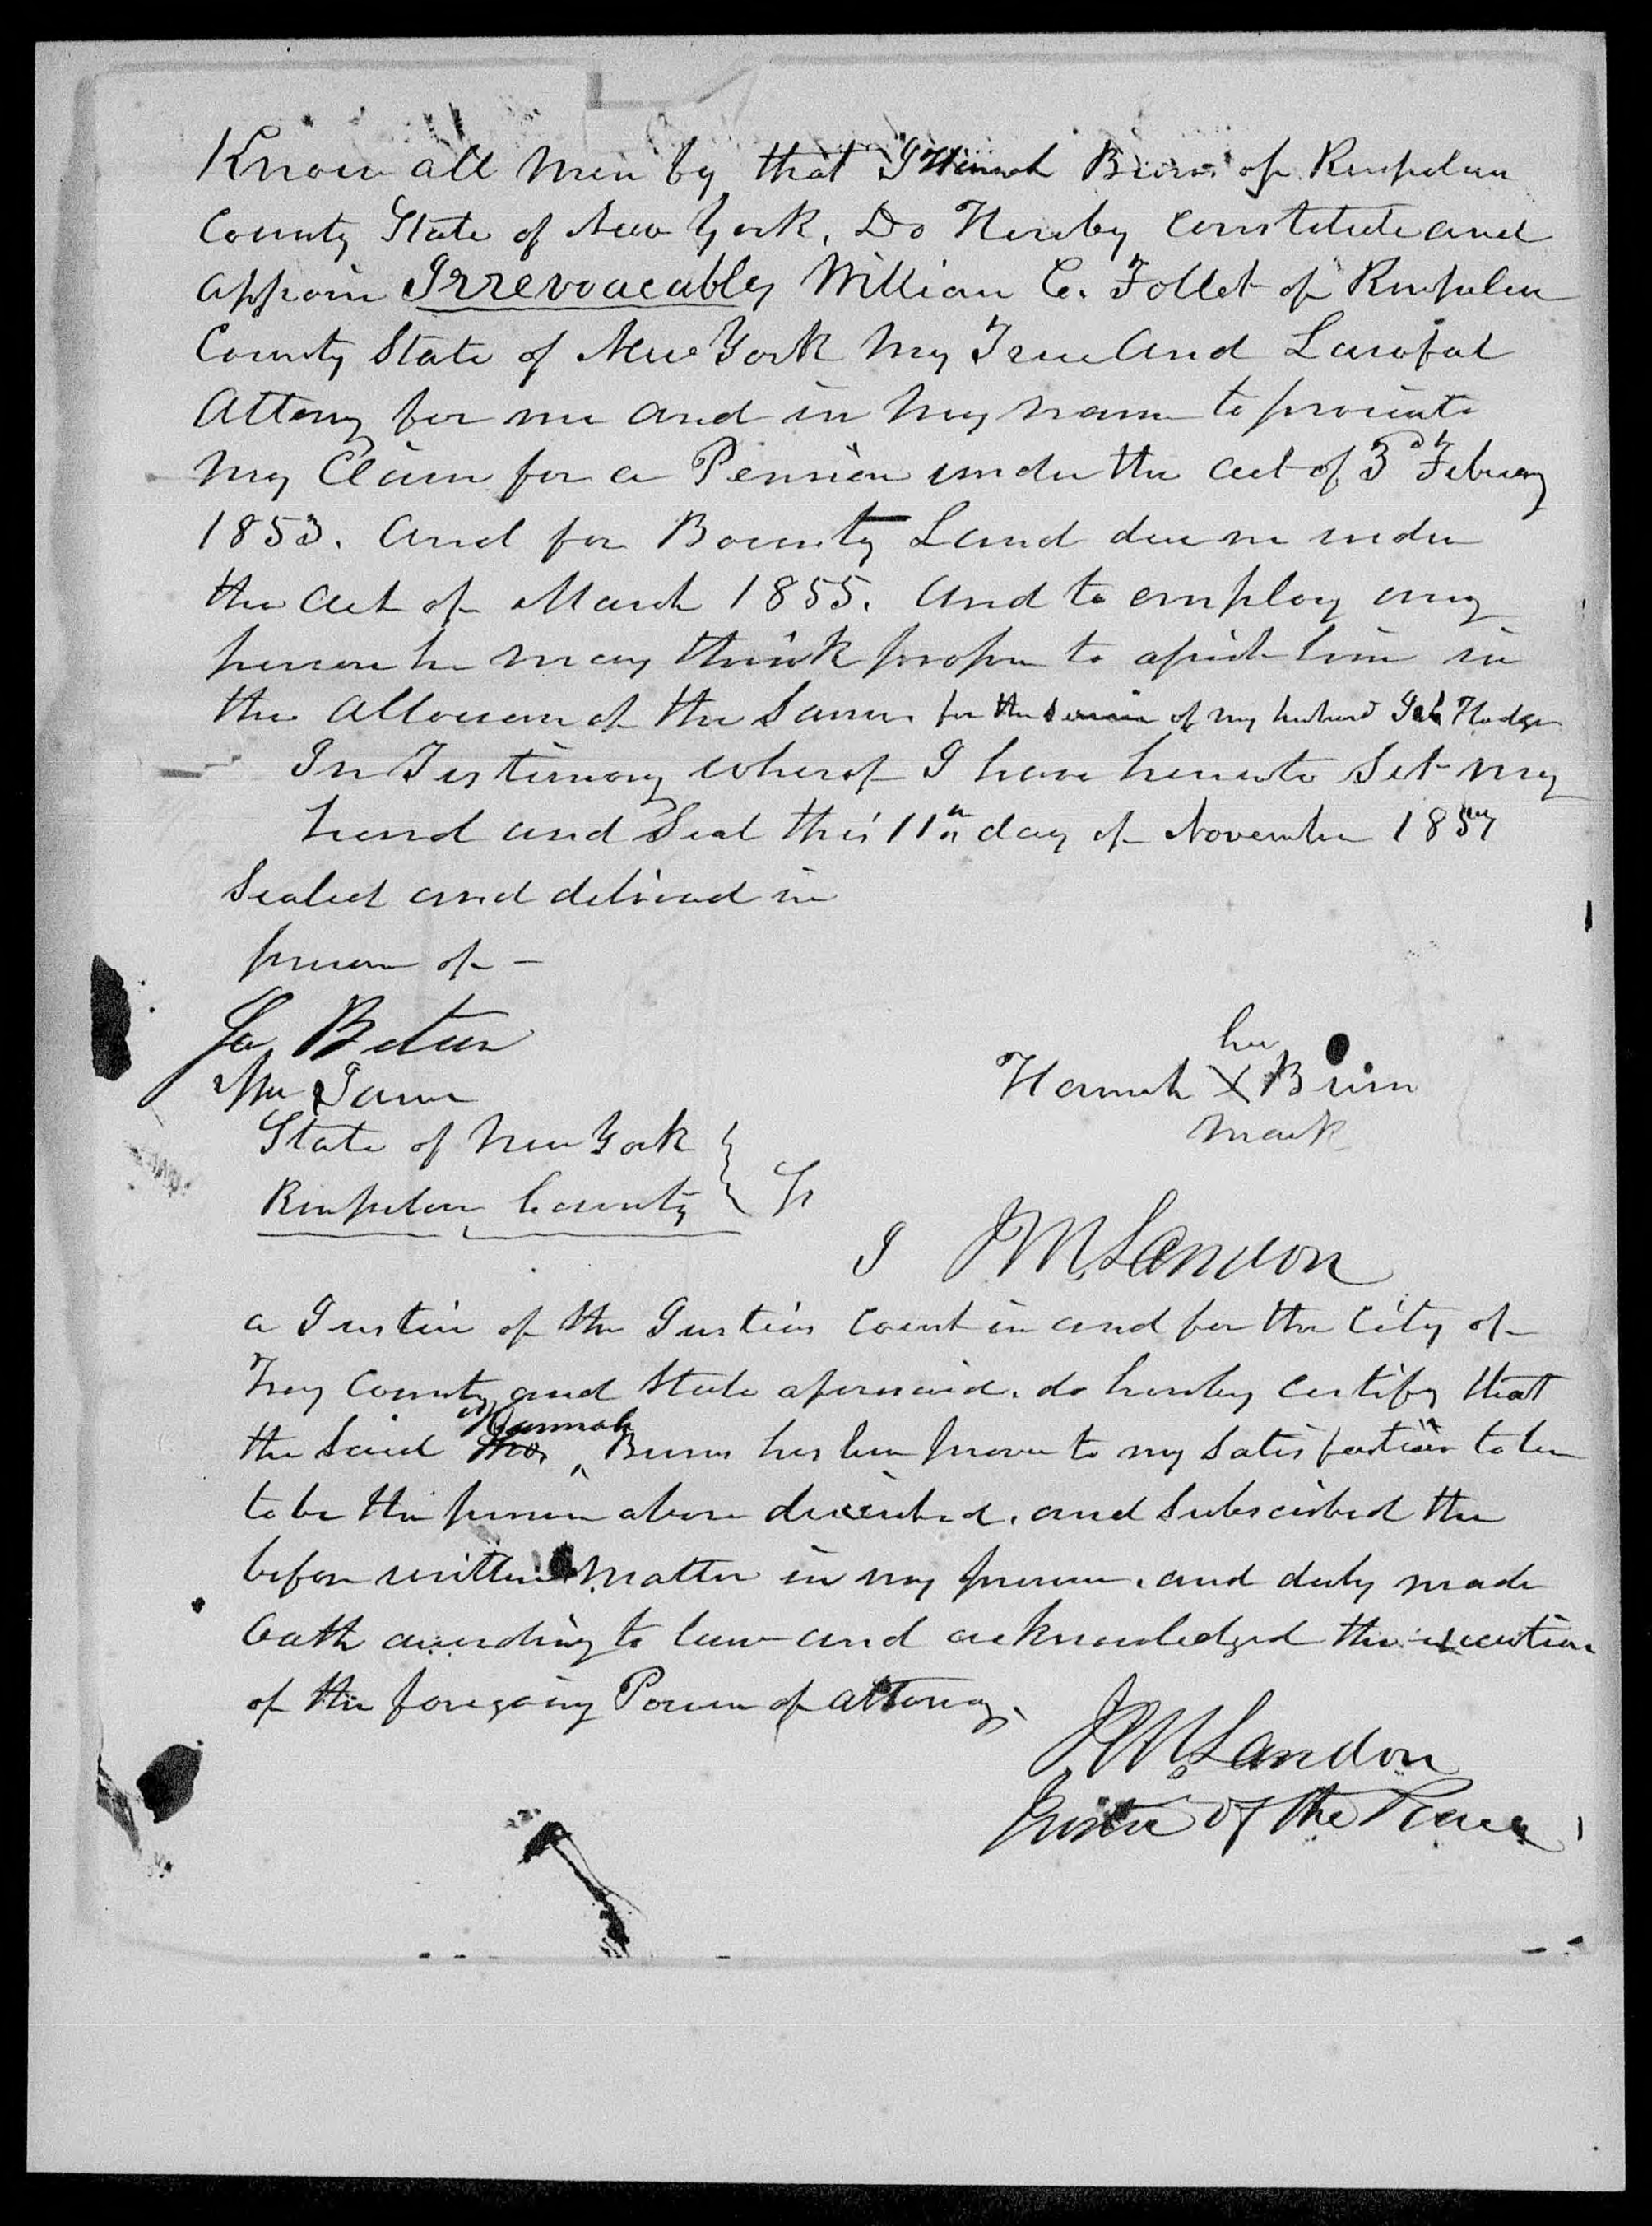Know all men by, that Hannah Burns of Rensselaer
County State of New York, Do hereby constitute and 
affirm Irrevocably William C. Follet of Rensselaer
County State of New York may [illegible]
Attorney for me and in my name to [illegible]
My claim for a Pension under the act of 3 February
1853. And for Bounty Land due me under 
the act of March 1855. And to employ any
human he may think proper to [illegible] in
this alloence of the same for the [illegible of my husband Ja Hodge
In testimony wherof I have [illegible]
[illegible] and seal this 11th day of November 1857
Sealed and delivered in
power of –
Hannah Brun
mark
For B[illegible]
[illegible]
State of New York
[illegible] County
JM Sandon
A [illegible] of the [illegible] in and for the city of
Troy County and state [illegible]. do humbly certify that
the said Hannah Burns has her [illegible] to any sates [illegible] to be
to be the person above [illegible], and [illegible] the
before [illegible] matter in my [illegible], and duly make
oath according to law and acknowledge the [illegible]
of this foregoing Power of attorney
JM Sandon
[illegible]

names: Jas Betus, J M Sandon, William C Follet, Hannah Burns, J M Sandon, Hannah Burns, Hannah Burns, Jas Hodge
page: 22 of 48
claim: widow's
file: W. 10476, James Hodge, New York